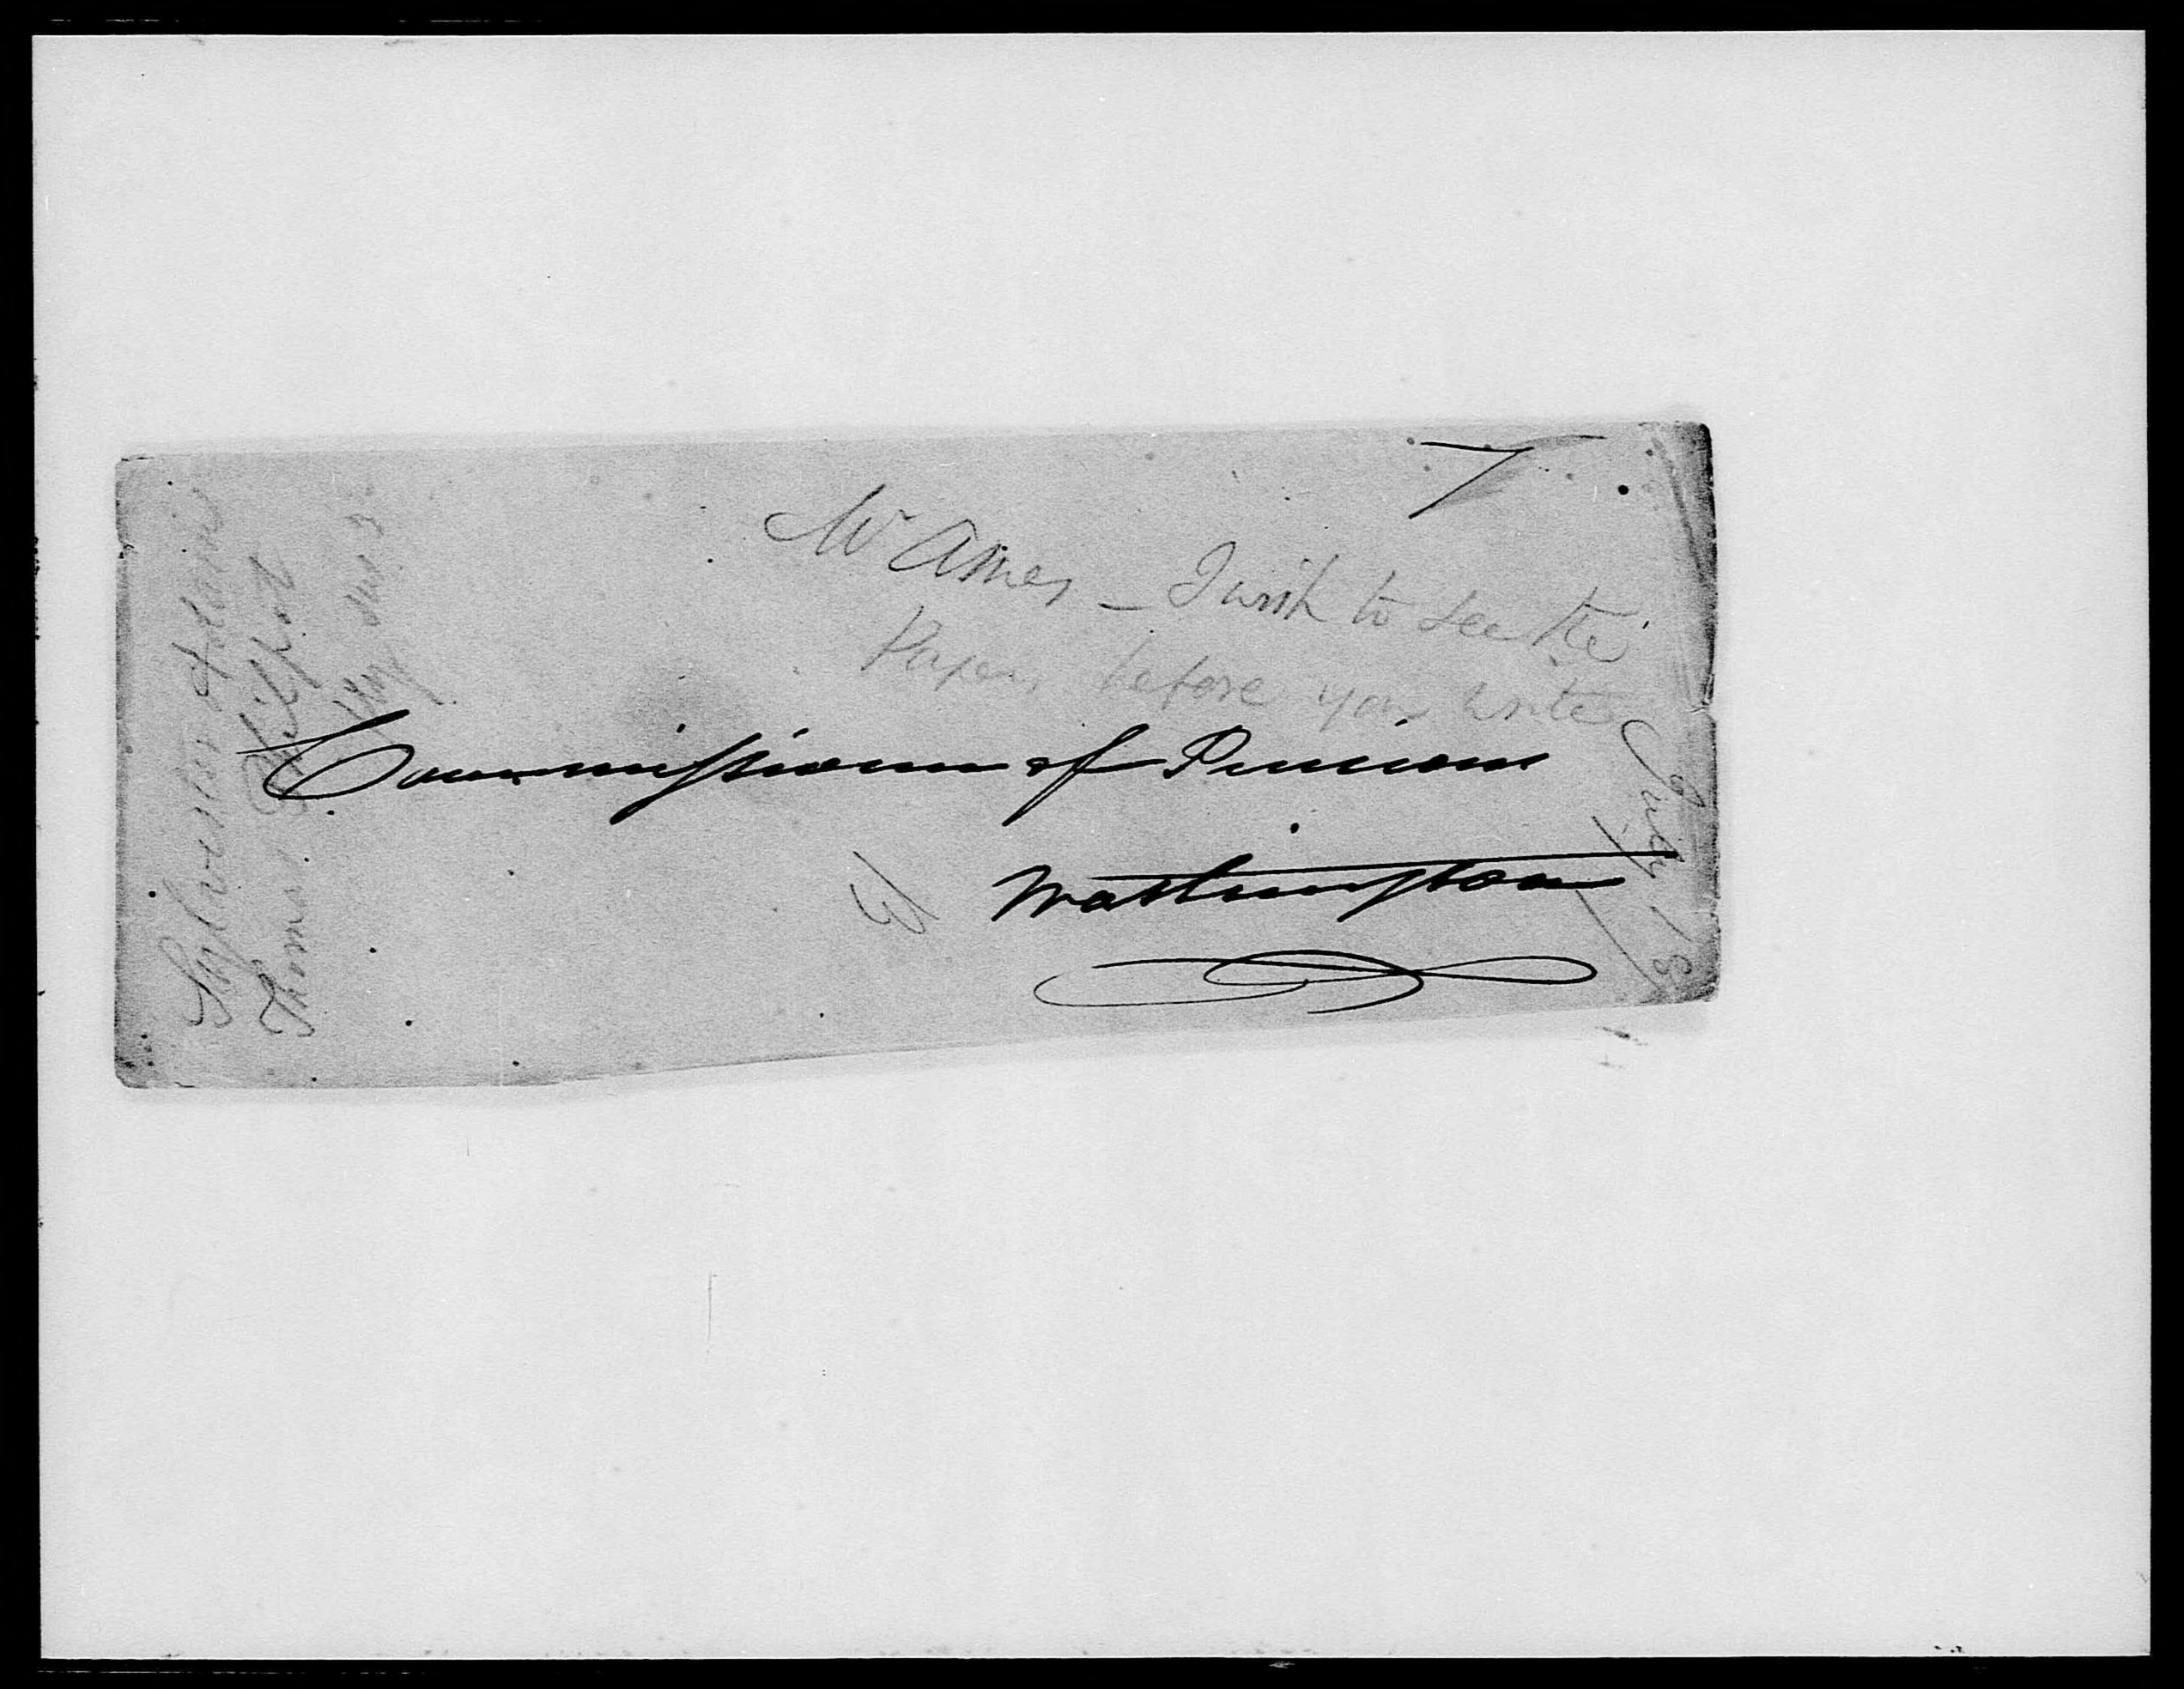Commissioner of Pensions Washington
W. Ames I wish to see the papers before you write
Sylvester Adams 
Thomas Philpot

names: Sylvester Adams; [BLANK] Ames; Thomas Philpot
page: 13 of 43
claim: rejected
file: R. 8217, for Thomas Philpot, South Carolina